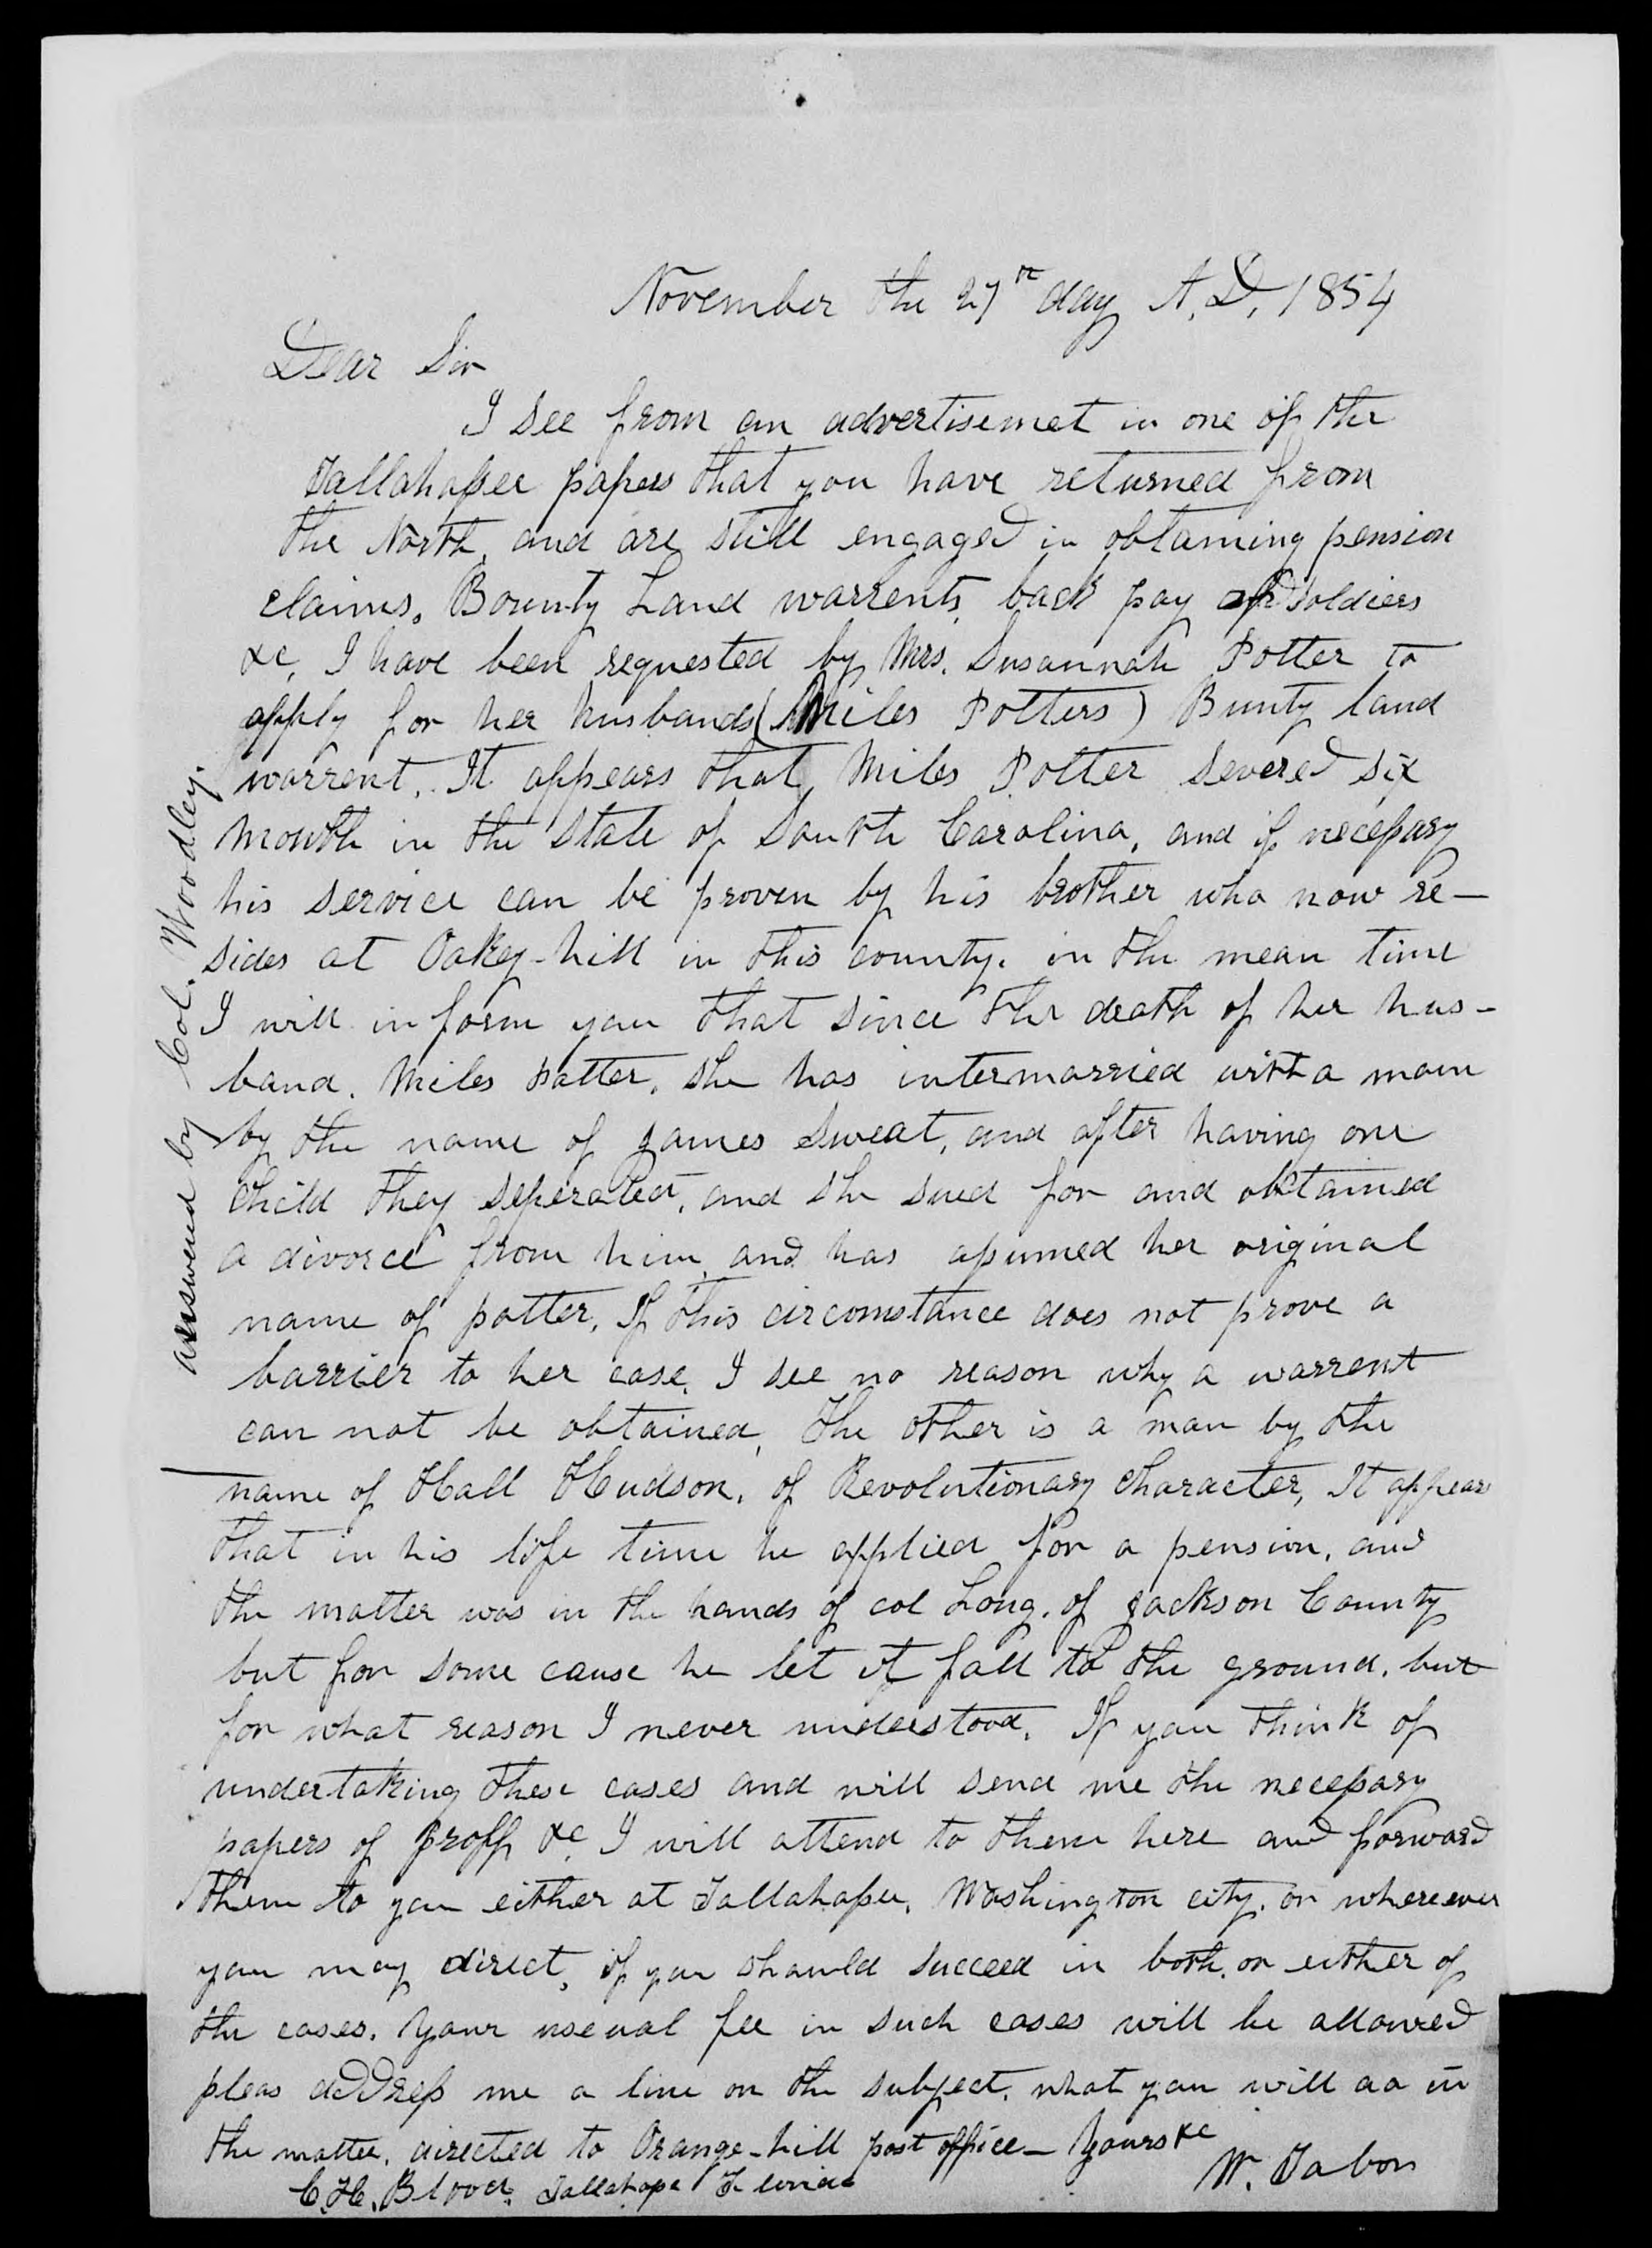November the 2th day A.D. 1854

Dear Sir,

I see from an advertisement in one of the Tallahassee papers that you have returned from the north and are still engages in obtaining pension claims. Bounty Land warrants, back pay of soldiers xc. I have been requested by Mrs. Susannah Potter to apply for her husband's (Miles Potters) bounty land warrant. It appears that Miles Potter served six months in the state of South Carolina, and if necessary his service can be proven by his brother, who now resides at Oakey-Hill in this county. In the meantime I will inform you that since the death of the husband. Miles Potter. She has intermarried with a man by the name of James Sweat, and after having one child, they seperated, and she said for and obtained a divorce from him, and has assumed her original name of Patter, so this circumstance does not prove a barrier to her case. I see no reason why a warrant can not be obtained. The other is a man by the name of Hall Hudson, of revolutionary character, it appears that in his life time he applied for a pension and the matter was in the hands of Col. Long of Jackson County but for some cause he let it fall to the ground, but for what reason i never understood. If you think of undertaking these cases and will send me the necessary papers for both xc I will attend to them here and forward them to you either at Tallahapu, Washington city, or wherever you may direct, if you should succeed in both or either of the cases, your usual fee in such cases will be allowed please address me a line on the subject, what you will aa in the matter, directed to orange hill post office 

James KC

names: Susannah Potter, Miles Potter, Hall Hudson, Wm Tabor, C H Blood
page: 5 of 14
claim: rejected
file: R. 4463, Hall Hudson, S.C.